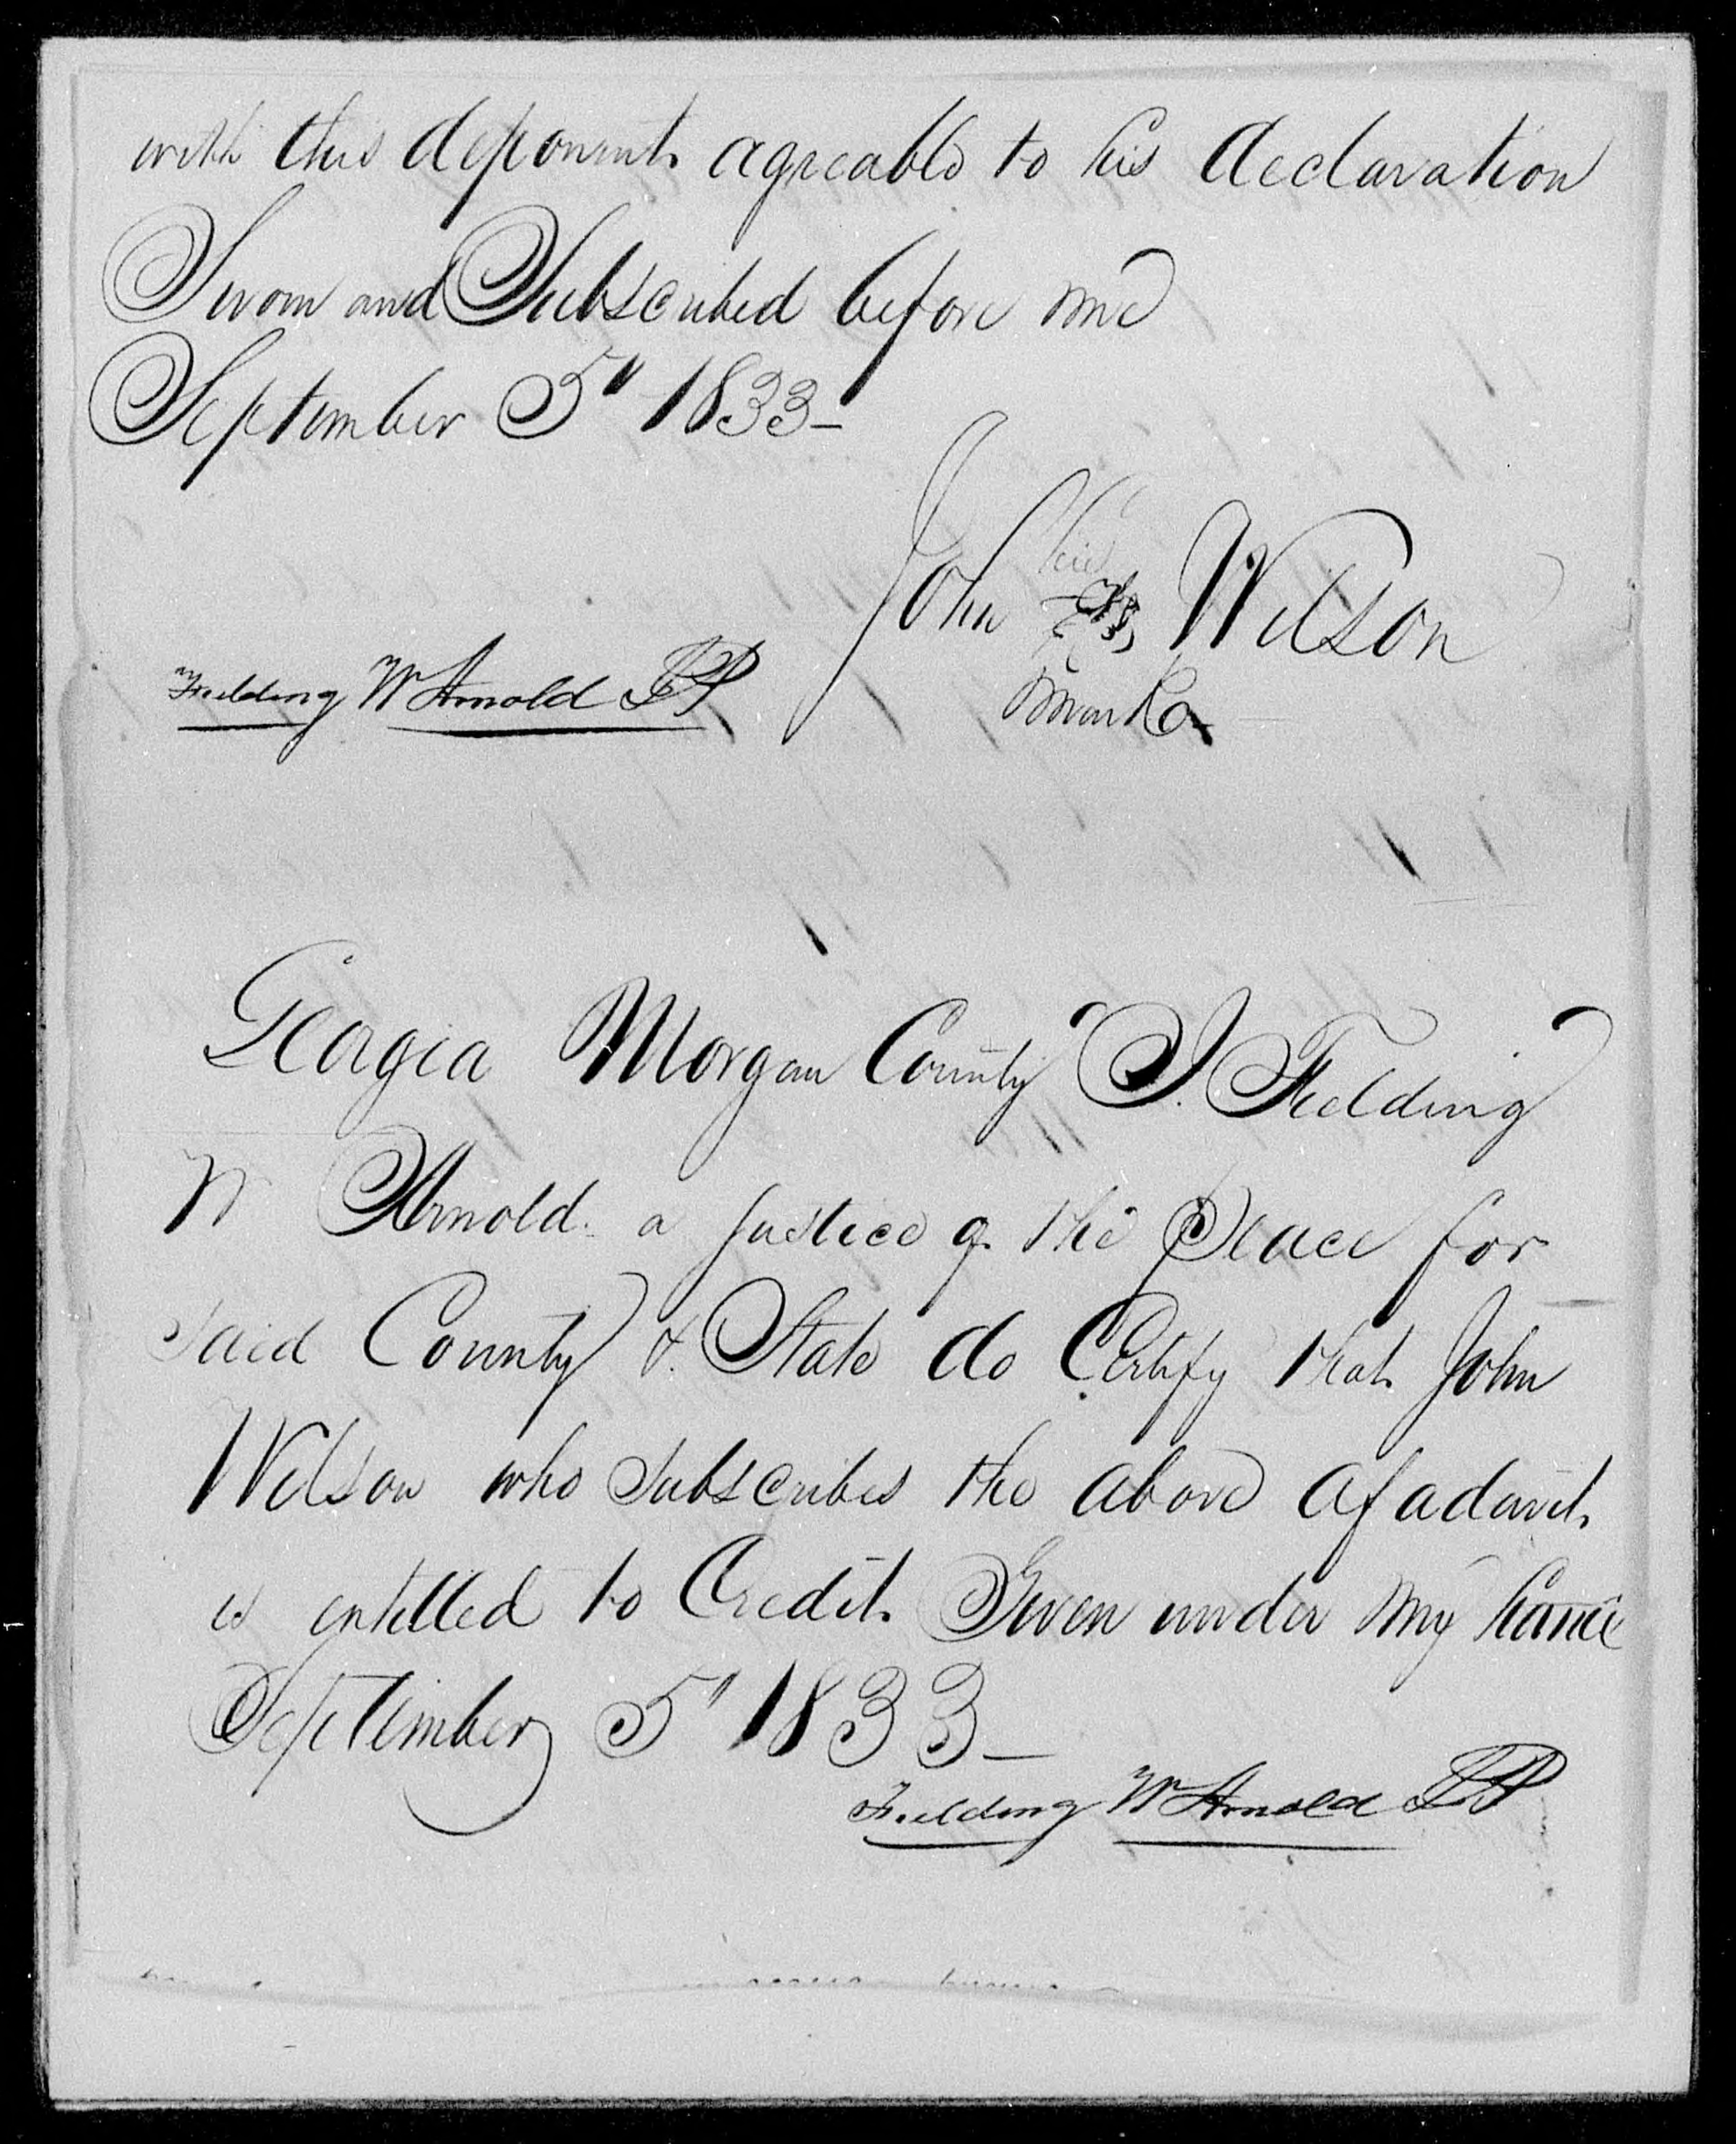with this deponent agreable to his declaration Sworn and Subscribed before me September 5th 1833 -
John Wilson
his X mark

[underlined] Fielding W Arnold JP

Georgia Morgan County I Fielding W Arnold a Justice of the Peace for said County & State do Certify that John Wilson who subscribed the above afadavit is entitled to Credit Given under my hand September 5th 1833 -
[underlined] Fielding W Arnold JP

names: Fielding W Arnold, Fielding W Arnold, John Wilson, John Wilson, Fielding W Arnold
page: 39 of 54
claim: widow's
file: W. 3794, Nathan Formby, Va.